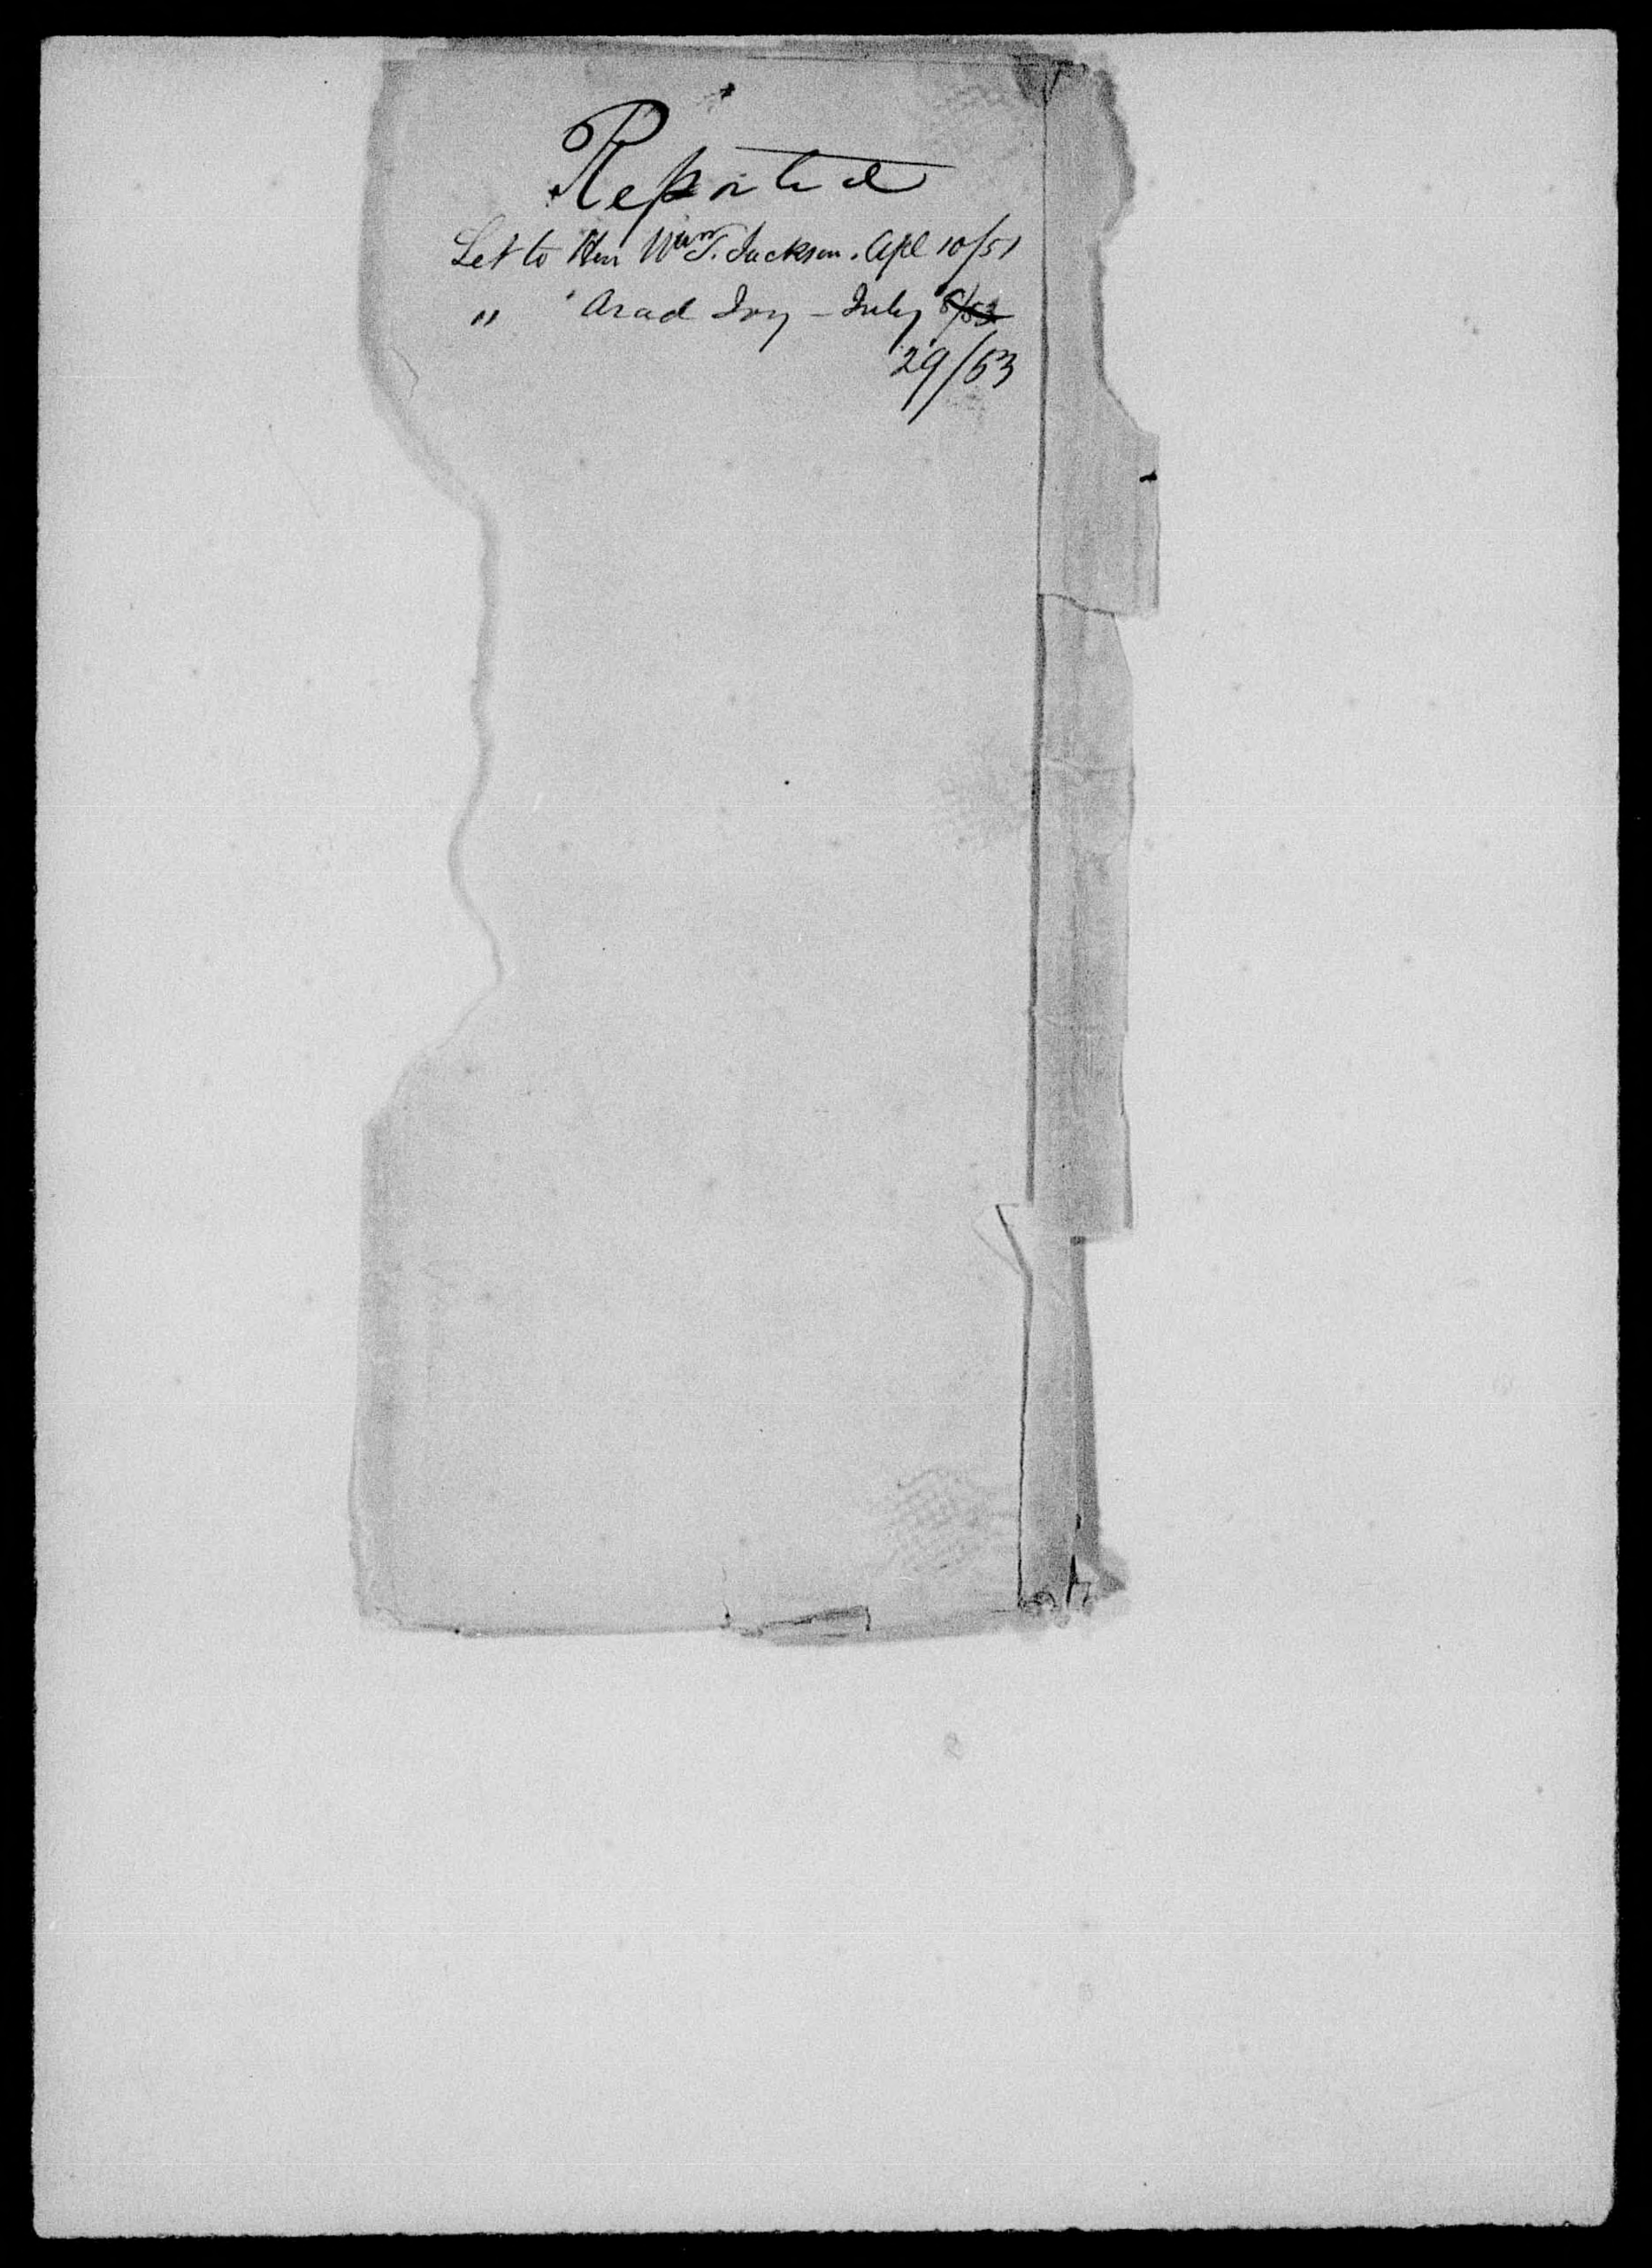Reported
Let to Hon Wm. T. Jackson. Apl 20/51
  "  "  Arad Joy - July ['8/53' crossed out] 29/53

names: Arad Joy, Wm T Jackson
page: 64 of 80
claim: survivor's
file: S. 18008, Thomas Harvey, N.H.